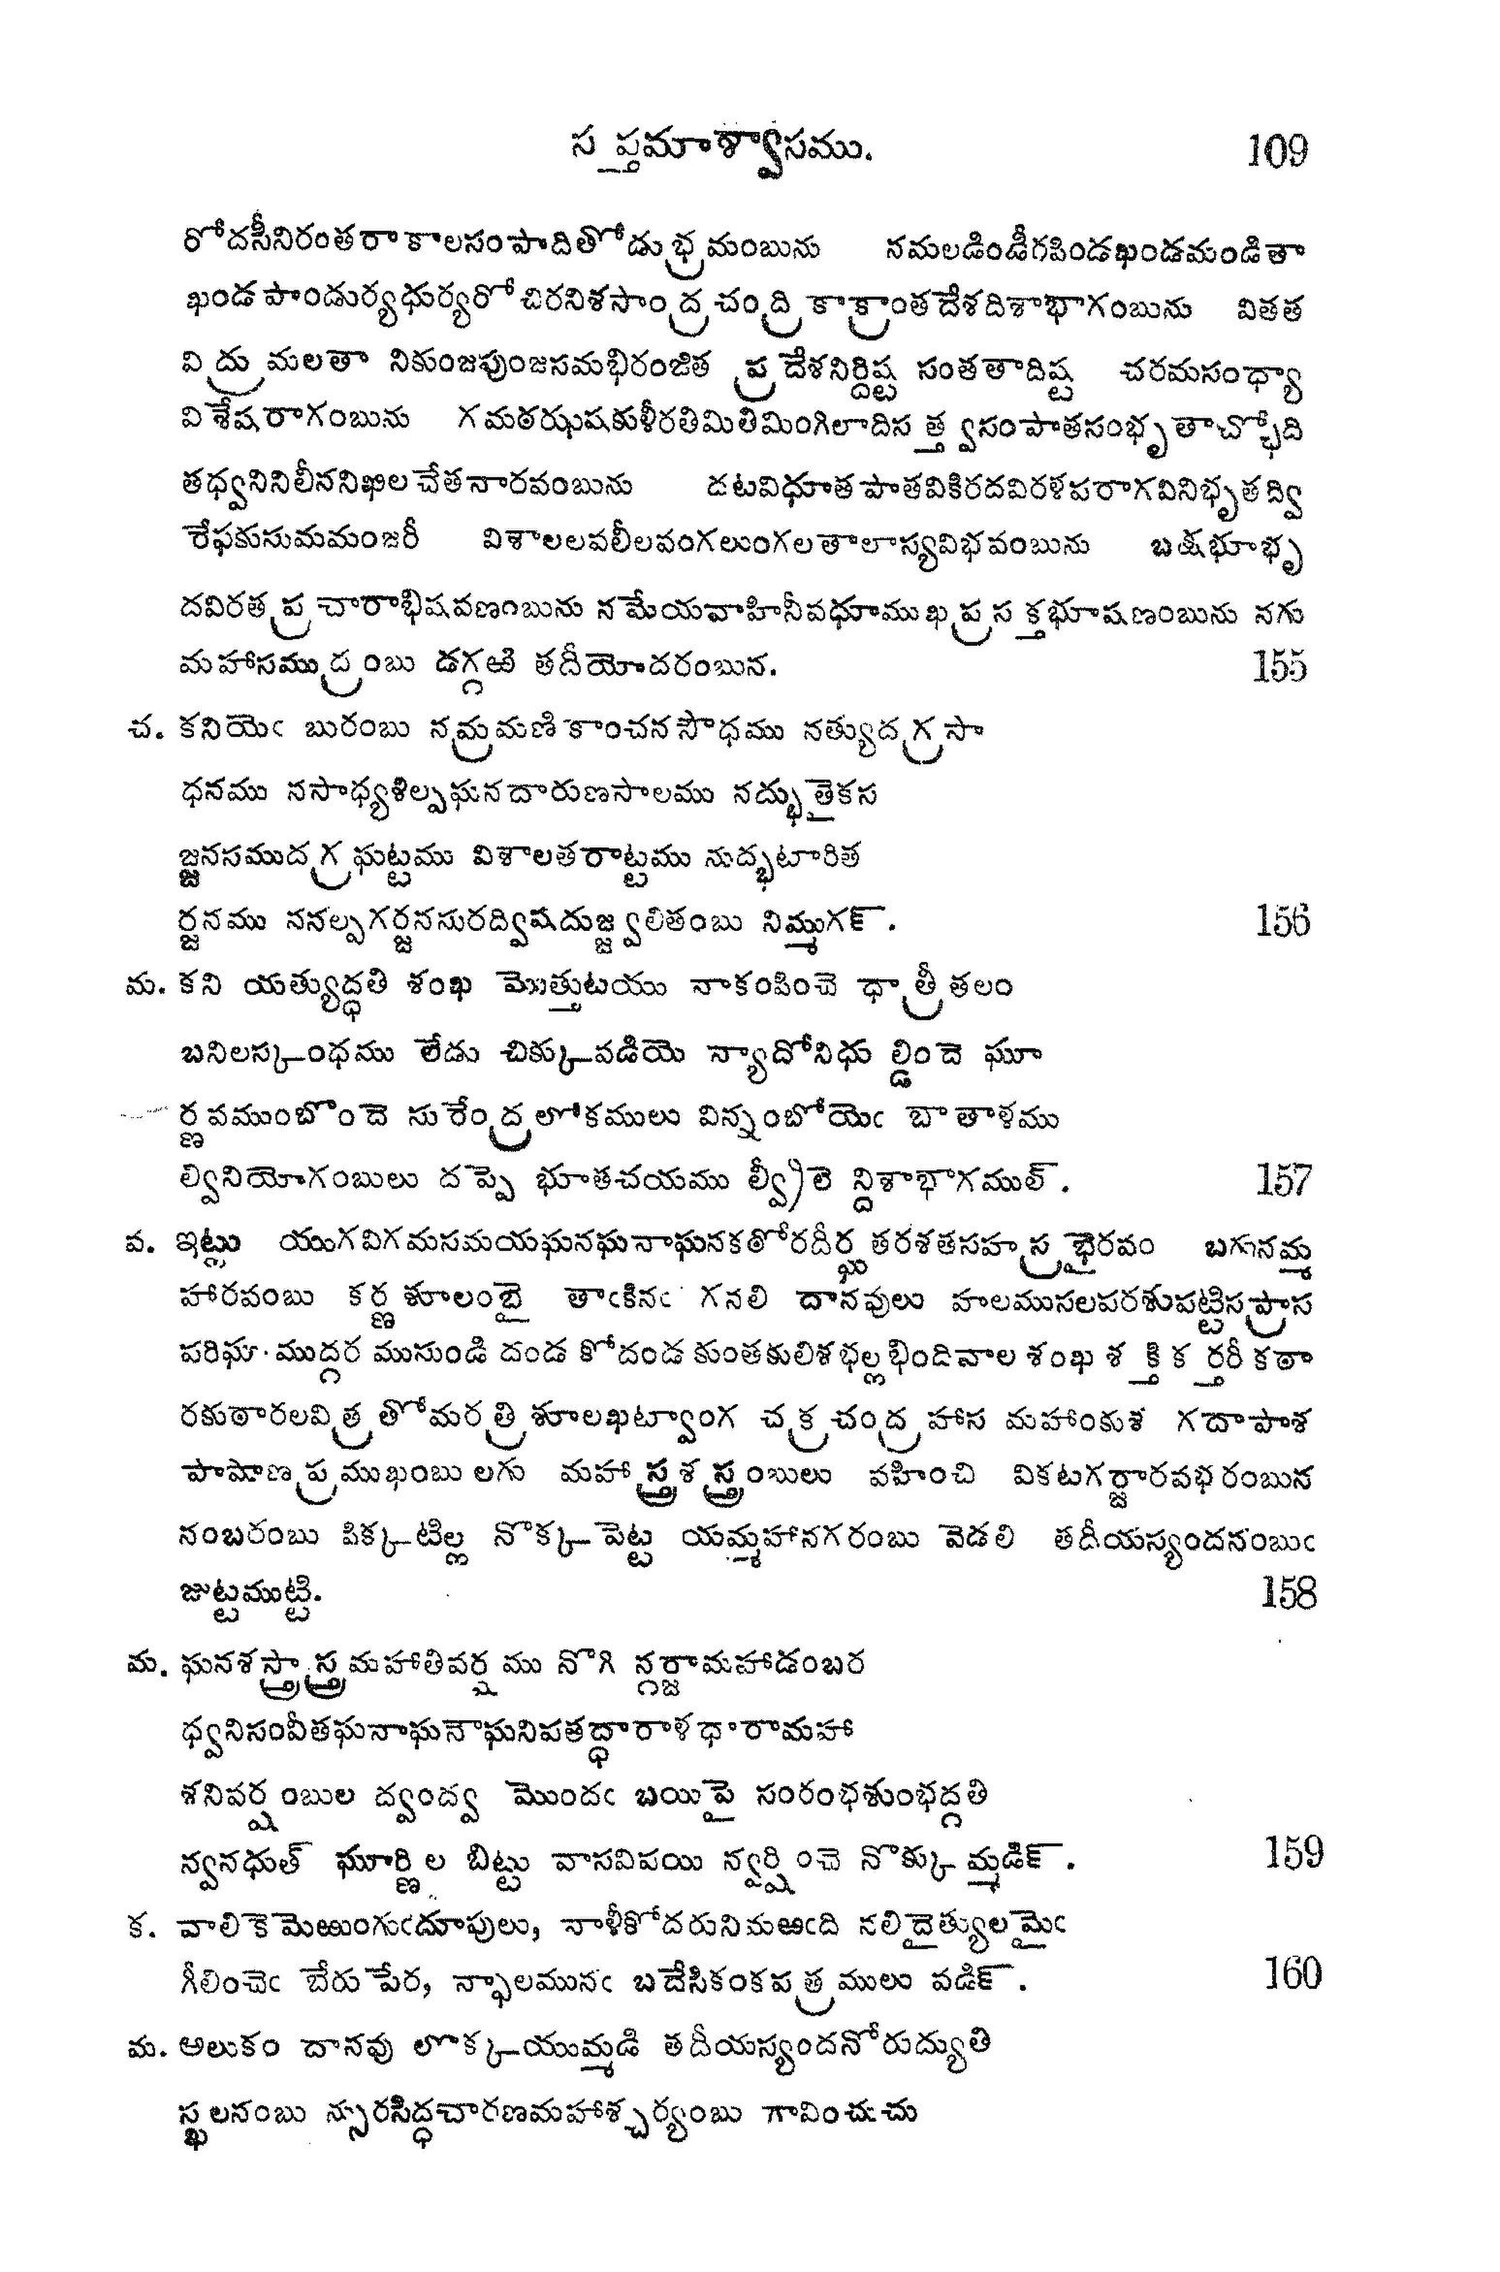రోదసీనిరంతరాకాలసంపాదితోడుభ్రమంబును నమలడిండీరపిండఖండమండితాఖండపాండుర్యధుర్యరోచిరనిశసాంద్రచంద్రికాక్రాంతదేశదిశాభాగంబును వితతవిద్రుమలతానికుంజపుంజసమభిరంజితప్రదేశనిర్దిష్టసంతతాదిష్టచరమసంధ్యావిశేషరాగంబును గమఠఝషకుళీరతిమితిమింగిలాదిసత్త్వసంపాతసంభృతాచ్ఛోదితధ్వనినిలీననిఖిలచేతనారవంబును దటవిధూతపాతవికిరదవిరళపరాగవినిభృతద్విరేఫకుసుమమంజరీవిశాలలవలీలవంగలుంగలతాలాస్యవిభవంబును బక్షభూభృదవిరతప్రచారాభిషవణంబును నమేయవాహినీవధూముఖప్రసక్తభూషణంబును నగు మహాసముద్రంబు డగ్గఱి తదీయోదరంబున. 155 

చ. కనియెఁ బురంబు నమ్రమణికాంచనసౌధము నత్యుదగ్రసా
ధనము నసాధ్యశిల్పఘనదారుణసాలము నద్భుతైకస
జ్జనసముదగ్రఘట్టము విశాలతరాట్టము నుద్భటారిత
ర్జనము ననల్పగర్జనసురద్విషదుజ్జ్వలితంబు నిమ్ముగన్. 156

మ. కని యత్యుద్ధతి శంఖ మొత్తుటయు నాకంపించె ధాత్రీతలం
బనిలస్కంధము లేడు చిక్కువడియె న్యాదోనిధు ల్డిందె ఘూ
ర్ణవముం బొందె సురేంద్రలోకములు విన్నంబోయెఁ బాతాళము
ల్వినియోగంబులు దప్పె భూతచయము ల్వ్రీలె న్దిశాభాగముల్. 157

వ. ఇట్లు యుగవిగమసమయఘనఘనాఘనకఠోరదీర్ఘతరశతసహస్రభైరవం బగునమ్మహారవంబు కర్ణశూలంబై తాఁకినఁ గనలి దానవులు హల ముసల పరశు పట్టిన ప్రాస పరిఘ ముద్గర ముసుండి దండ కోదండ కుంత కులిశ భల్ల భిందినాల శంఖ శక్తి కర్తరీ కఠార కుఠార లవిత్ర తోమర త్రిశూల ఖట్వాంగ చక్ర చంద్రహాస మహాంకుశ గదాపాశ పాషాణ ప్రముఖంబు లగు మహాస్త్రశస్త్రంబులు వహించి వికటగ్రజారవభరంబున నంబరంబు పిక్కటిల్ల నొక్కపెట్ట యమ్మహానగరంబు వెడలి తదీయస్యందనంబుఁ జుట్టముట్టి. 158

మ. ఘనశస్త్రాస్త్రమహాతివర్షము నొగి న్గర్జామహాడంబర
ధ్వనిసంవీతఘనాఘనౌఘనిసతద్ధారాళధారామహా
శనివర్షంబుల ద్వంద్వ మొందఁ బయిపై సంరంభశుంభద్గతి
న్వనధుత్ ఘూర్ణిల బిట్టు వాసవిపయి న్వర్షించె నొక్కుమ్మడిన్. 159

క. వాలికెమెఱుంగుఁదూపులు, నాళీకోదరునిమఱఁది నలిదైత్యులమైఁ
గీలించెఁ బేరుపేర, న్ఫాలమునఁ బదేసికంకపత్రములు వడిన్. 160

మ. అలుకం దానవు లొక్కయుమ్మడి తదీయస్యందనోరుద్యుతి
స్ఖలనంబు న్సురసిద్ధచారణమహాశ్చర్యంబు గావించుచు